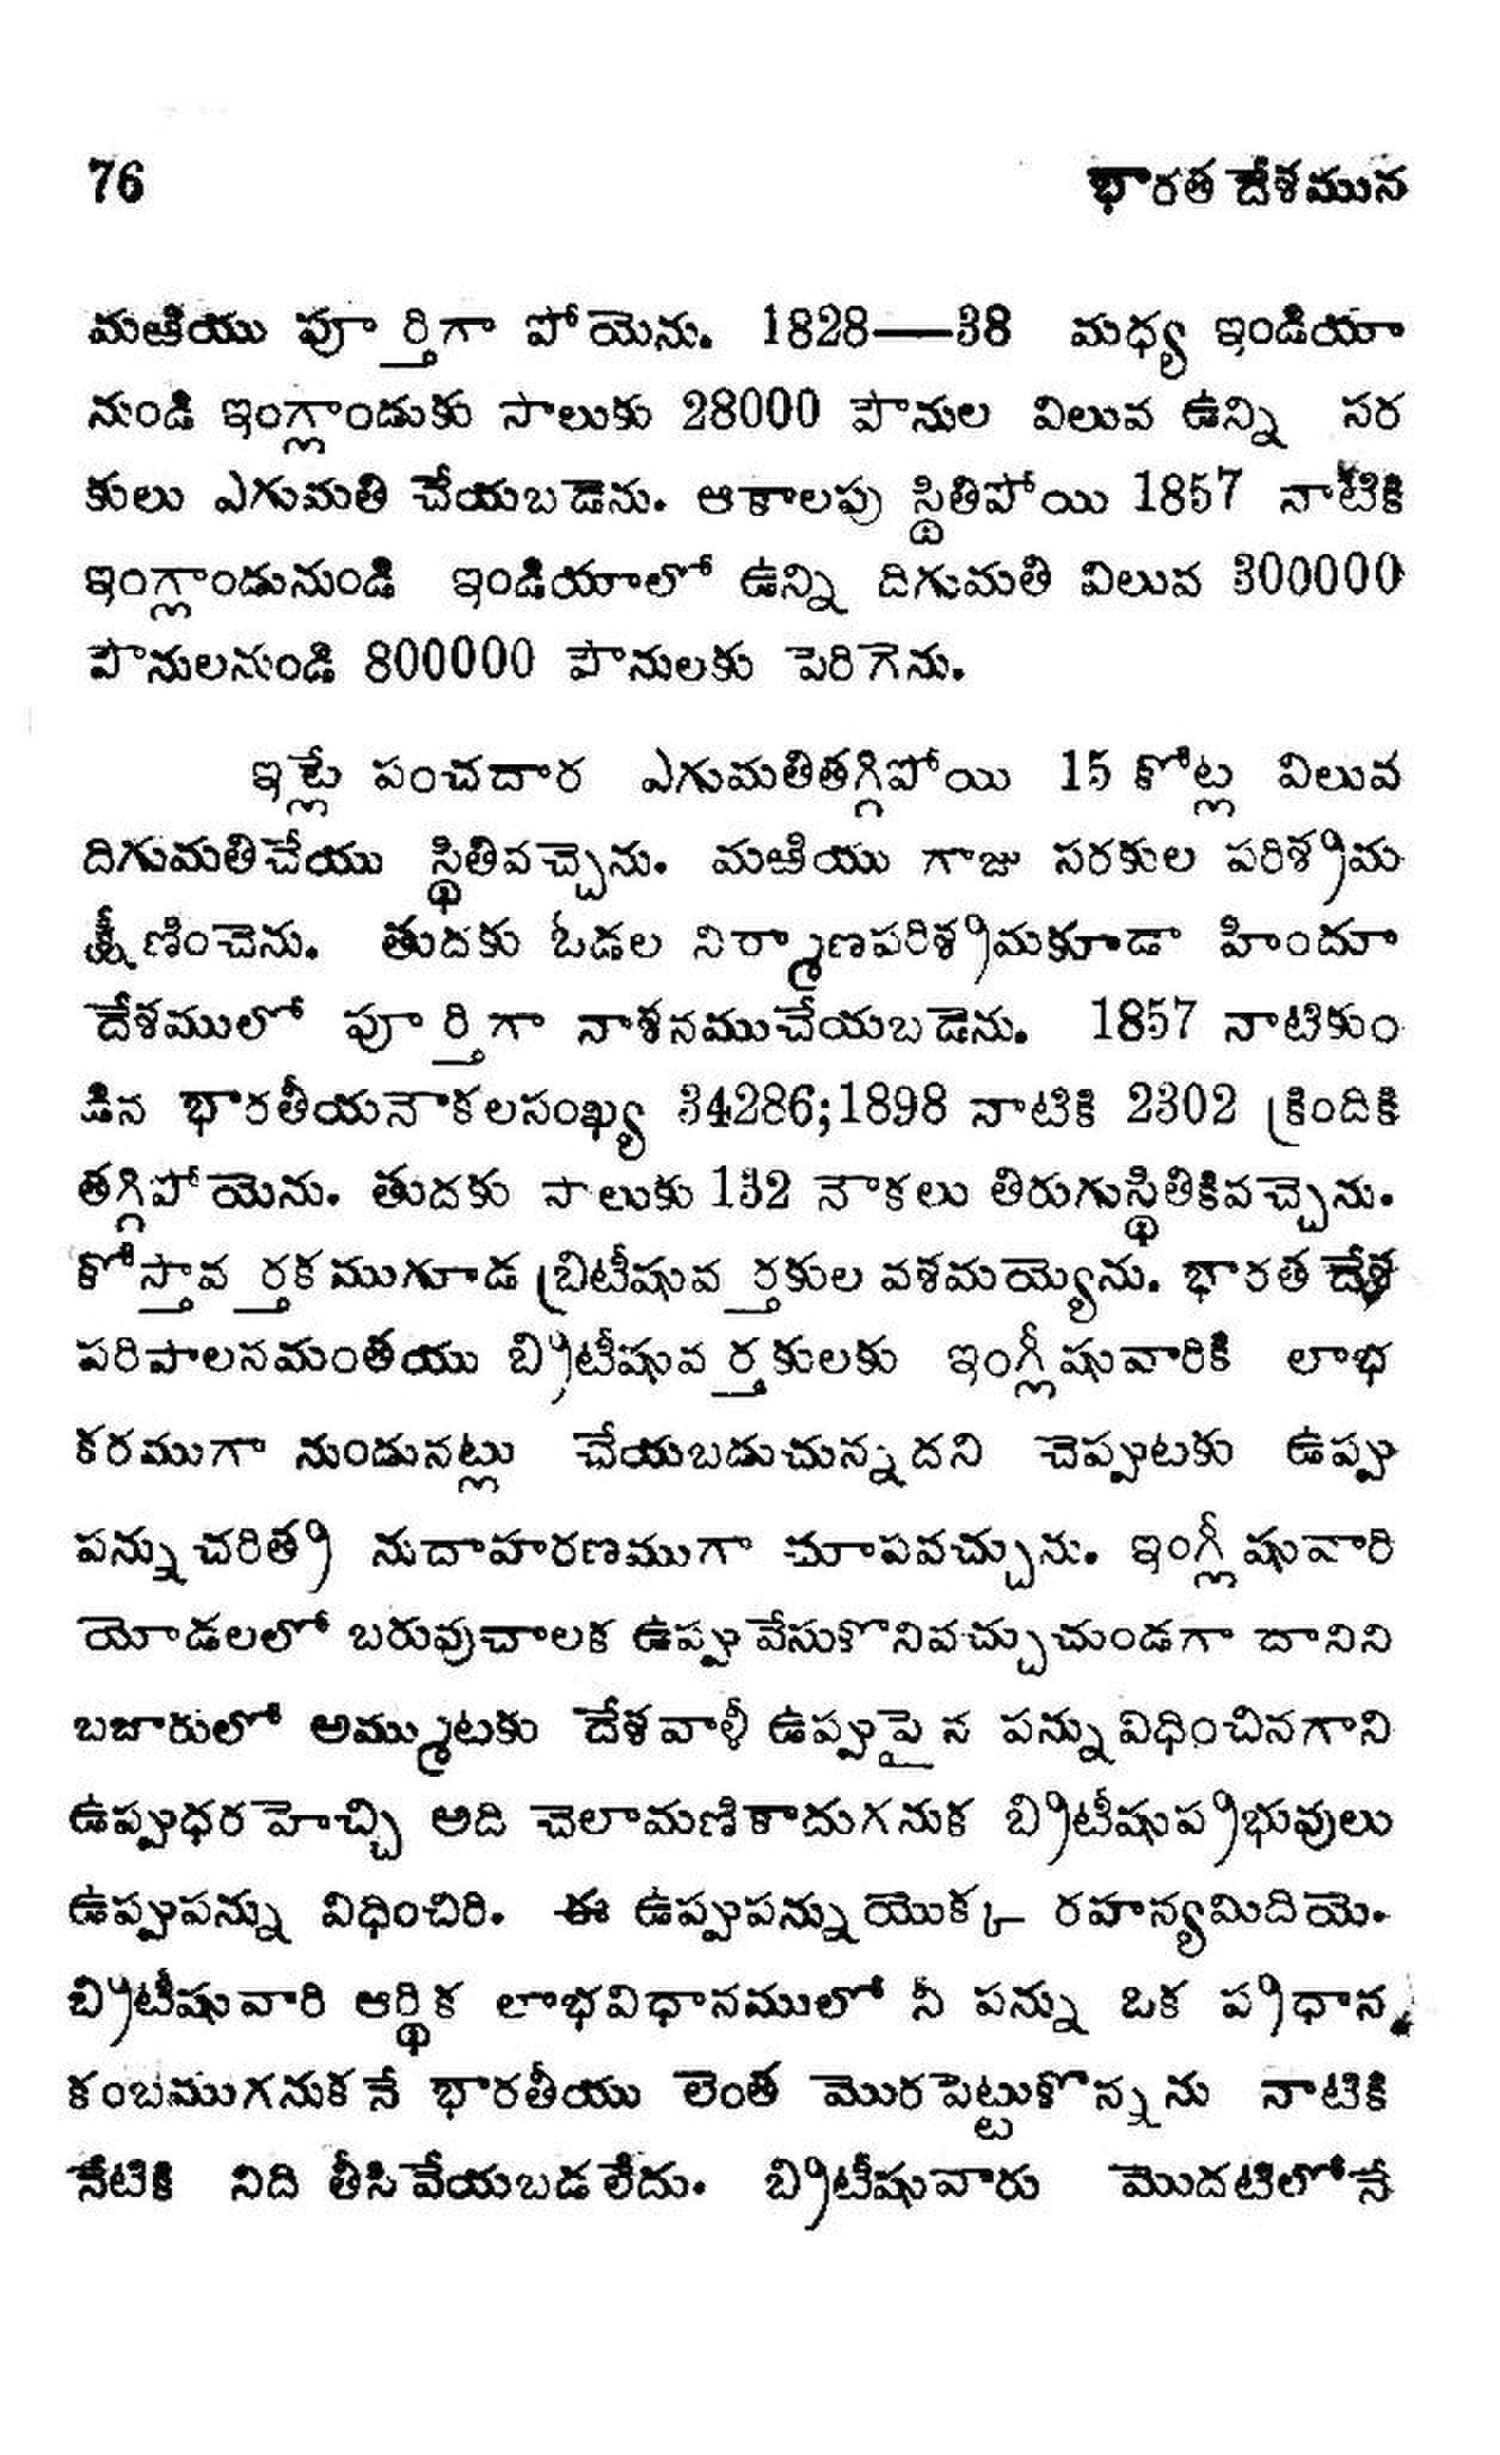మఱియు పూర్తిగా పోయెను. 1828–38 మధ్య ఇండియా నుండి ఇంగ్లాండుకు సాలుకు 28000 పౌనుల విలువ ఉన్ని సరకులు ఎగుమతి చేయబడెను. ఆకాలపు స్థితిపోయి 1857 నాటికి ఇంగ్లాండునుండి ఇండియాలో ఉన్ని దిగుమతి విలువ 300000 పౌనులనుండి 800000 పౌనులకు పెరిగెను.

ఇట్లే పంచదార ఎగుమతితగ్గిపోయి 15 కోట్ల విలువ దిగుమతిచేయు స్థితివచ్చెను. మఱియు గాజు సరకుల పరిశ్రమ క్షీణించెను. తుదకు ఓడల నిర్మాణపరిశ్రమకూడా హిందూదేశములో పూర్తిగా నాశనముచేయబడెను. 1857 నాటికుండిన భారతీయనౌకలసంఖ్య 34286;1898 నాటికి 2302 క్రిందికి తగ్గిపోయెను. తుదకు సాలుకు 132 నౌకలు తిరుగు స్థితికివచ్చెను. కోస్తావర్తకముగూడ బ్రిటీషువర్తకుల వశమయ్యెను. భారతదేశ పరిపాలనమంతయు బ్రిటీషువర్తకులకు ఇంగ్లీషువారికి లాభకరముగా నుండునట్లు చేయబడుచున్నదని చెప్పుటకు ఉప్పుపన్ను చరిత్ర నుదాహరణముగా చూపవచ్చును. ఇంగ్లీషువారి యోడలలో బరువుచాలక ఉప్పువేసుకొనివచ్చుచుండగా దానిని బజారులో అమ్ముటకు దేశవాళీ ఉప్పుపైన పన్నువిధించినగాని ఉప్పుధరహెచ్చి అది చెలామణికాదుగనుక బ్రిటీషుప్రభువులు ఉప్పుపన్ను విధించిరి. ఈ ఉప్పుపన్ను యొక్క రహస్యమిదియె. బ్రిటీషువారి ఆర్థిక లాభవిధానములో నీ పన్ను ఒక ప్రధాన కంబముగనుకనే భారతీయు లెంత మొరపెట్టుకొన్నను నాటికి నేటికి నిది తీసివేయబడలేదు. బ్రిటీషువారు మొదటిలోనే